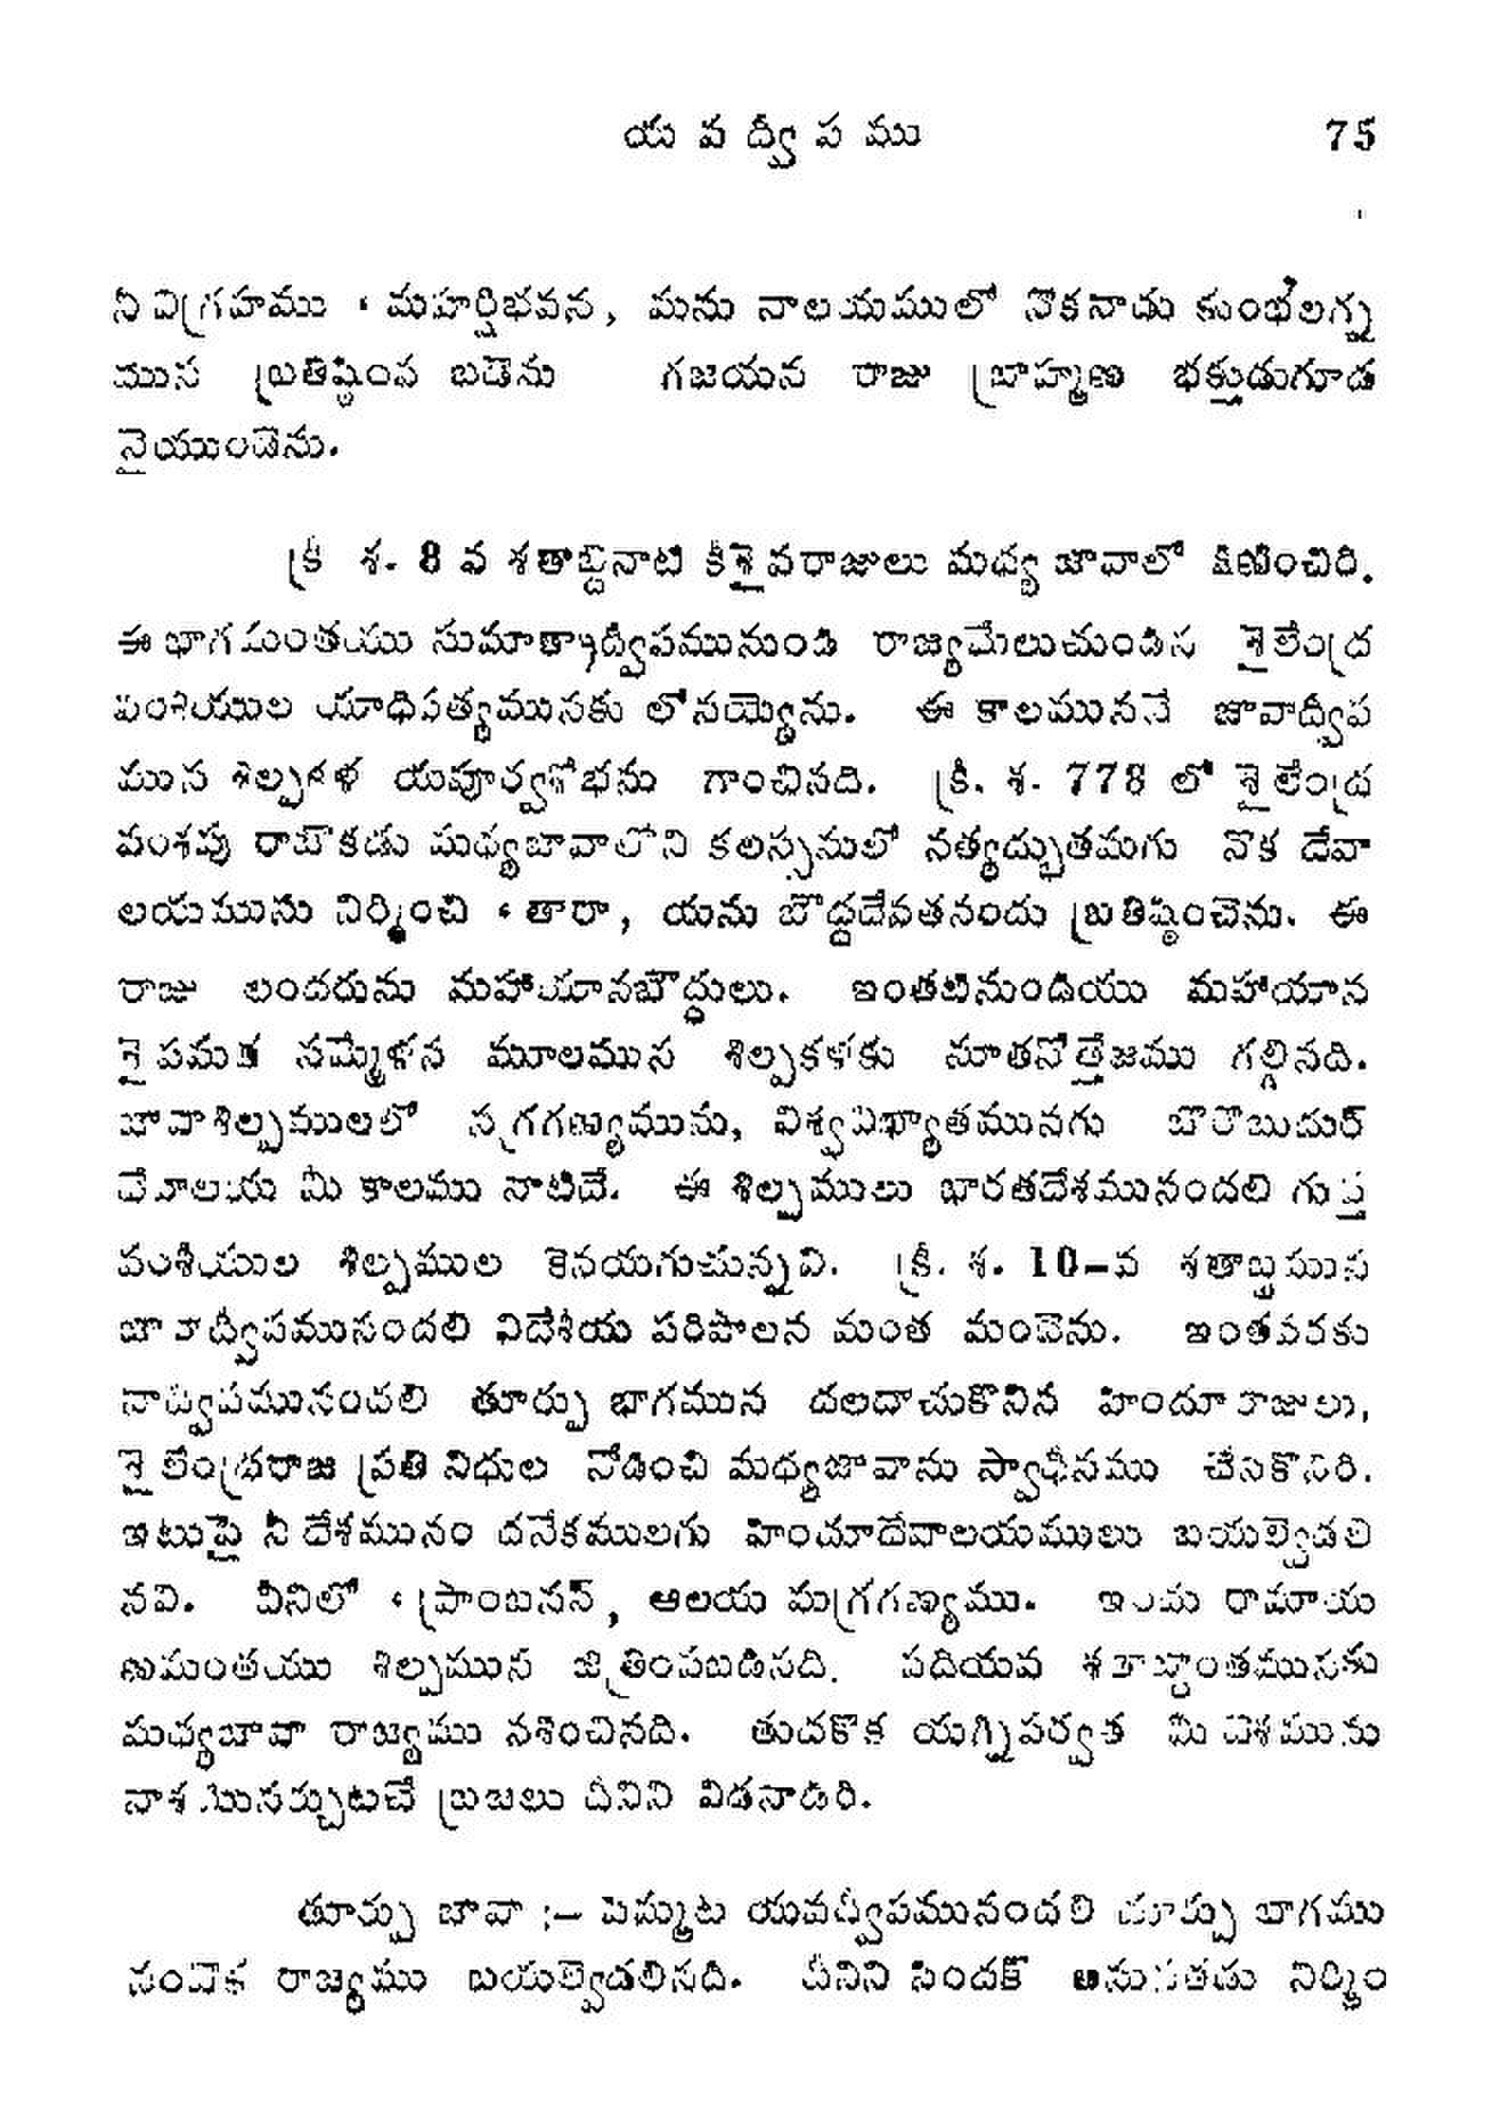నీ విగ్రహము 'మహర్షిభవన' మను నాలయములో నొకనాడు కుంభలగ్నమున బ్రతిష్ఠింప బడెను. గజయన రాజు బ్రాహ్మణ భక్తుడుగూడ నైయుండెను.

క్రీ. శ. 8 వ శతాబ్దినాటి కీశైవరాజులు మధ్యజావాలో క్షీణించిరి. ఈ భాగమంతయు సుమాత్రాద్వీపమునుండి రాజ్యమేలుచుండిన శైలేంద్ర వంశీయుల యాధిపత్యమునకు లోనయ్యెను. ఈ కాలముననే జావాద్వీపమున శిల్పకళ యపూర్వశోభను గాంచినది. క్రీ. శ. 778 లో శైలేంద్ర వంశపు రాజొకడు మధ్యజావాలోని కలస్సనులో నత్యద్భుతమగు నొక దేవాలయమును నిర్మించి 'తారా' యను బౌద్దదేవతనందు బ్రతిష్ఠించెను. ఈ రాజు లందరును మహాయానబౌద్దులు. ఇంతటినుండియు మహాయాన శైవమత సమ్మేళన మూలమున శిల్పకళకు నూతనోత్తేజము గల్గినది. జావాశిల్పములలో నగ్రగణ్యమును, విశ్వవిఖ్యాతమునగు బొరొబుదుర్ దేవాలయ మీ కాలము నాటిదే. ఈ శిల్పములు భారతదేశమునందలి గుప్తవంశీయుల శిల్పముల కెనయగుచున్నవి. క్రీ. శ. 10 వ శతాబ్దమున జావాద్వీపమునందలి విదేశీయ పరిపాలన మంత మందెను. ఇంతవరకు నాద్వీపమునందలి తూర్పు భాగమున దలదాచుకొనిన హిందూరాజులు, శైలేంద్రరాజ ప్రతి నిధుల నోడించి మధ్యజావాను స్వాధీనము చేసికొనిరి. ఇటుపై నీదేశమునం దనేకములగు హిందూదేవాలయములు బయల్వెడలినవి. వీనిలో 'ప్రాంబసన్‌' ఆలయ మగ్రగణ్యము. ఇందు రామాయణమంతయు శిల్పమున జిత్రింపబడినది. పదియవ శతాబ్దాంతమునకు మధ్యజావా రాజ్యము నశించినది. తుదకొక యగ్నిపర్వత మీ దేశమును నాశమొనర్చుటచే బ్రజలు దీనిని విడనాడిరి.

తూర్పు జావా :- పిమ్మట యవద్వీపమునందలి దూర్పు భాగమునందొక రాజ్యము బయల్వెడలినది. దీనిని సిందక్ అనునతడు నిర్మిం